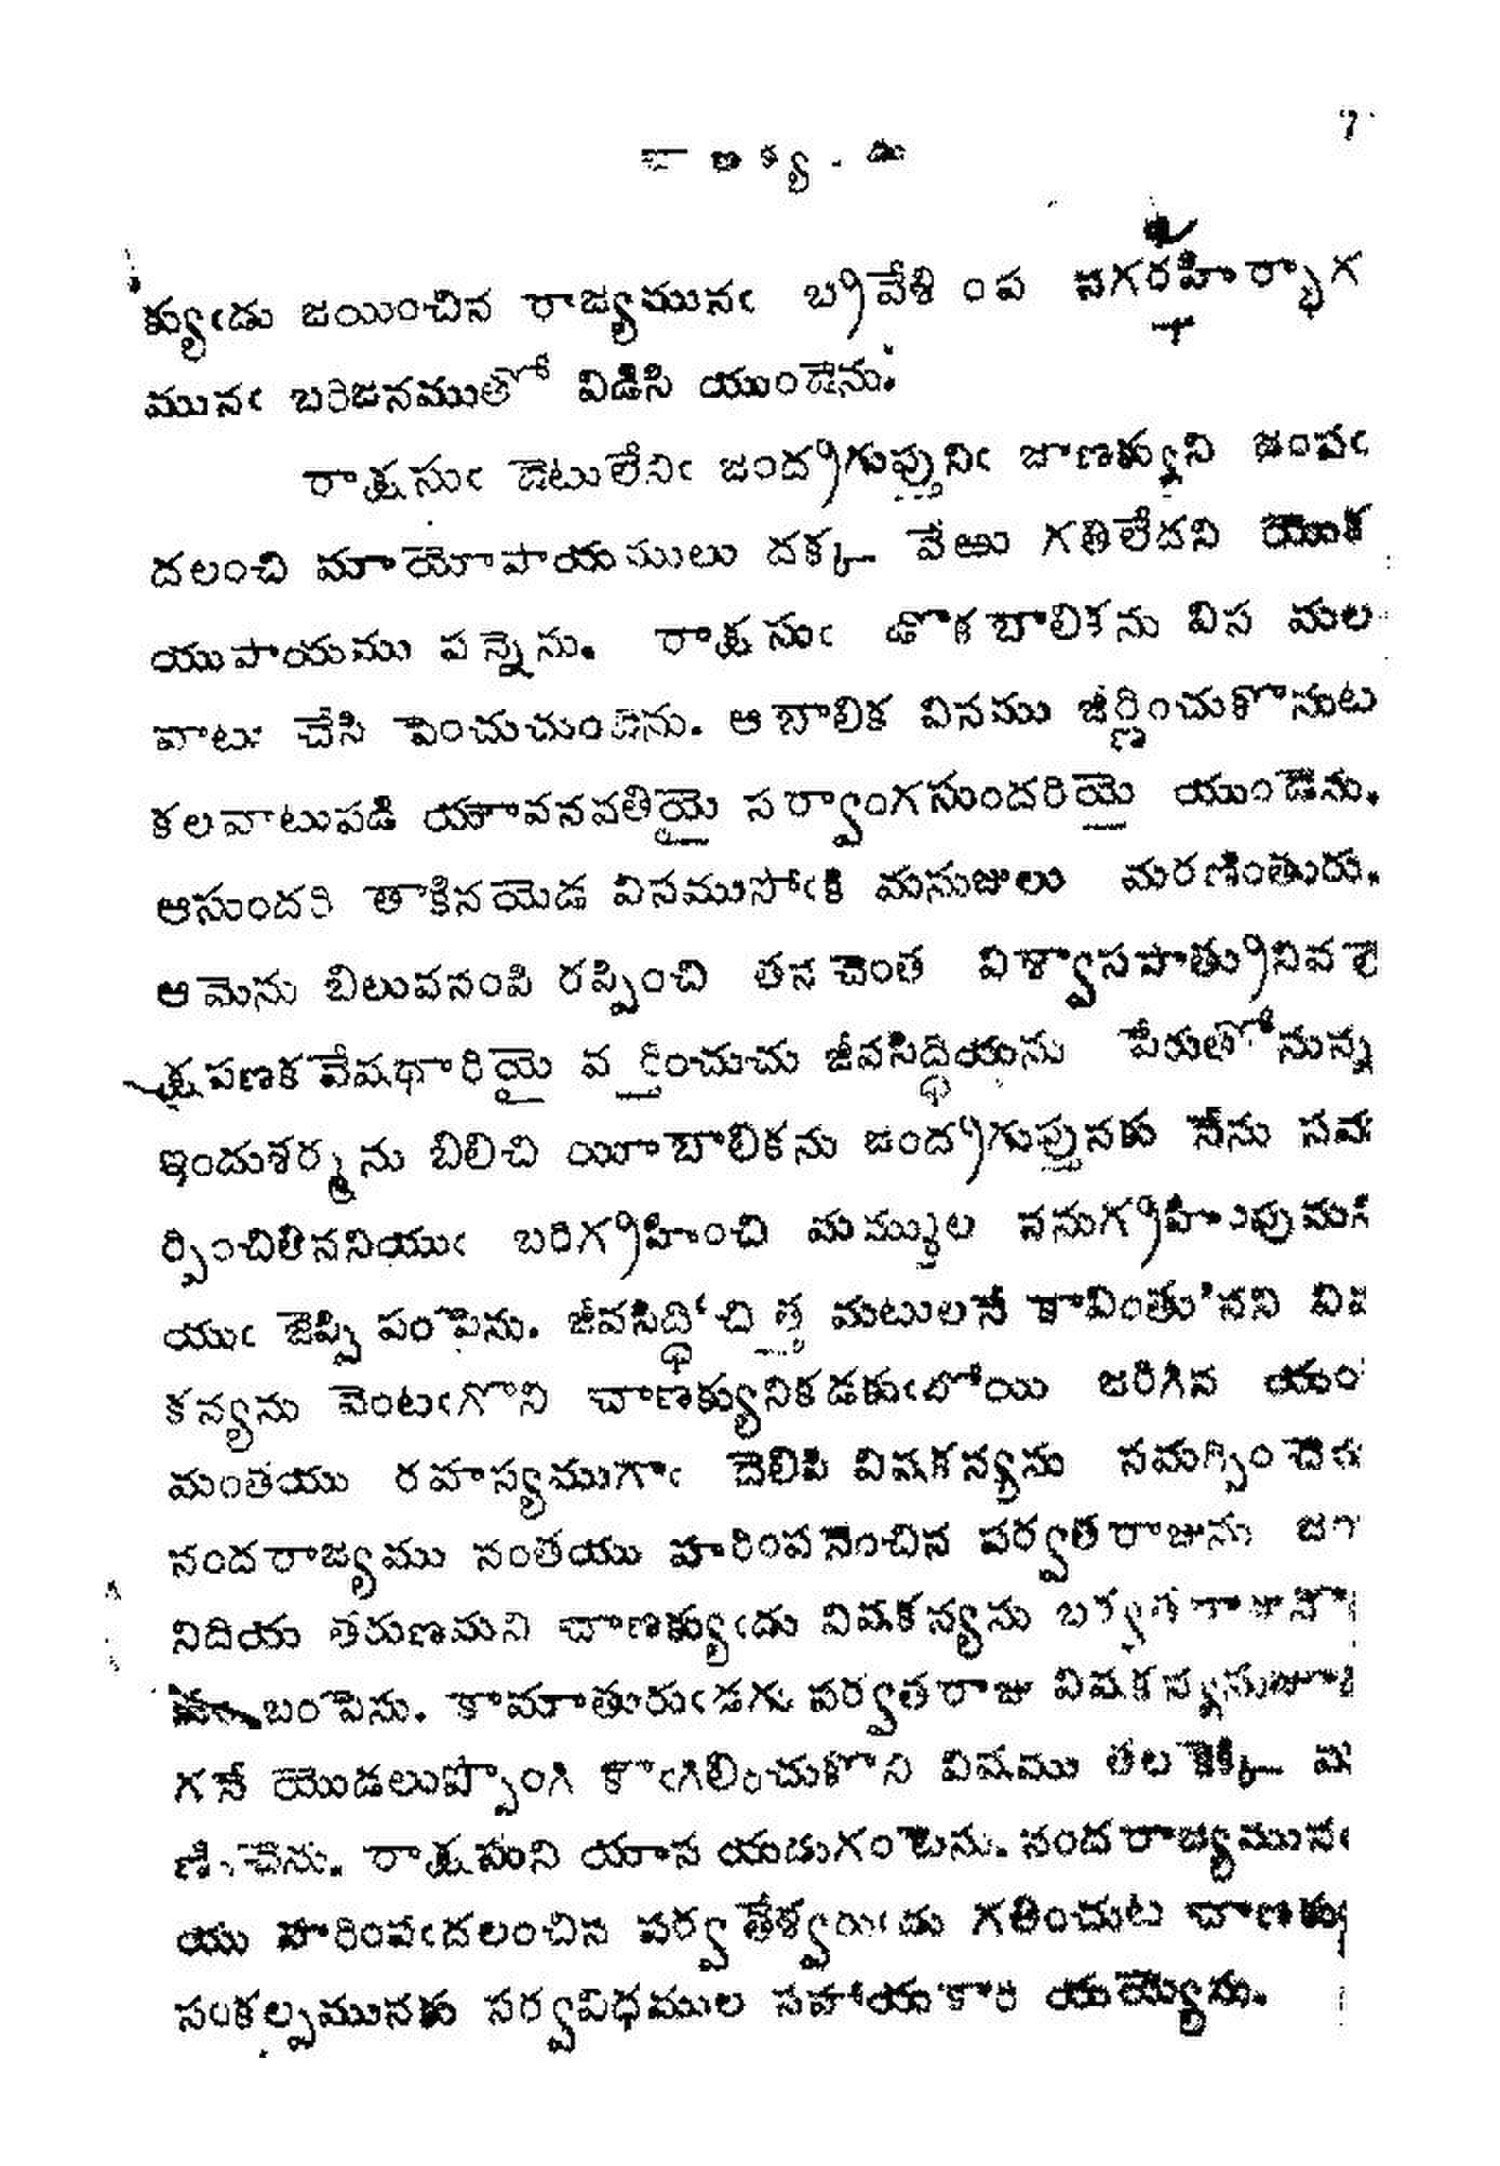క్యుడు జయించిన రాజ్యమున బ్రవేశింప నగరబహిర్భాగమున బరిజనముతో విడిసి యుండెను.

రాక్షసు డెటులేని జంద్రగుప్తుని జాణక్యుని జంప దలంచి మాయోపాయములు దక్క వేఱు గతిలేదని యొక యుపాయము పన్నెను. రాక్షసు డొకబాలికను విస మలవాటు చేసి పెంచుచుండెను. ఆబాలిక విసము జీర్ణించుకొనుట కలవాటుపడి యౌవనవతియై సర్వాంగసుందరియై యుండెను. ఆసుందరి తాకినయెడ విసముసోకి మనుజులు మరణింతురు. ఆమెను బిలువనంపి రప్పించి తనచెంత విశ్వాసపాత్రునివలె క్షపణకవేషథారియై వర్తించుచు జీవసిద్ధియను పేరుతోనున్న ఇందుశర్మను బిలిచి యీబాలికను జంద్రగుప్తునకు నేను సమర్పించితి ననియు బరిగ్రహించి మమ్ముల ననుగ్రహింపు మనియు జెప్పి పంపెను. జీవసిద్ధి 'చిత్త మటులనే కావింతు'నని విసకన్యను వెంటగొని చాణక్యునికడకు బోయి జరిగిన యుదంత మంతయు రహస్యముగా దెలిపి విషకన్యను సమర్పించెను. నందరాజ్యము నంతయు హరింపనెంచిన పర్వతరాజును జంప నిదియ తరుణమని చాణక్యుడు విషకన్యను బర్వతరాజునొద్దకు బంపెను. కామాతురుడగు పర్వతరాజు విషకన్యనుజూడగనే యొడలుప్పొంగి కౌగిలించుకొని విషము తల కెక్కి మరణించెను. రాక్షసుని యాన యడుగంటెను. నందరాజ్యమునంతయు హరింపదలంచిన పర్వతేశ్వరుడు గతించుట చాణక్యుని సంకల్పమునకు సర్వవిధముల సహాయకారి యయ్యెను.